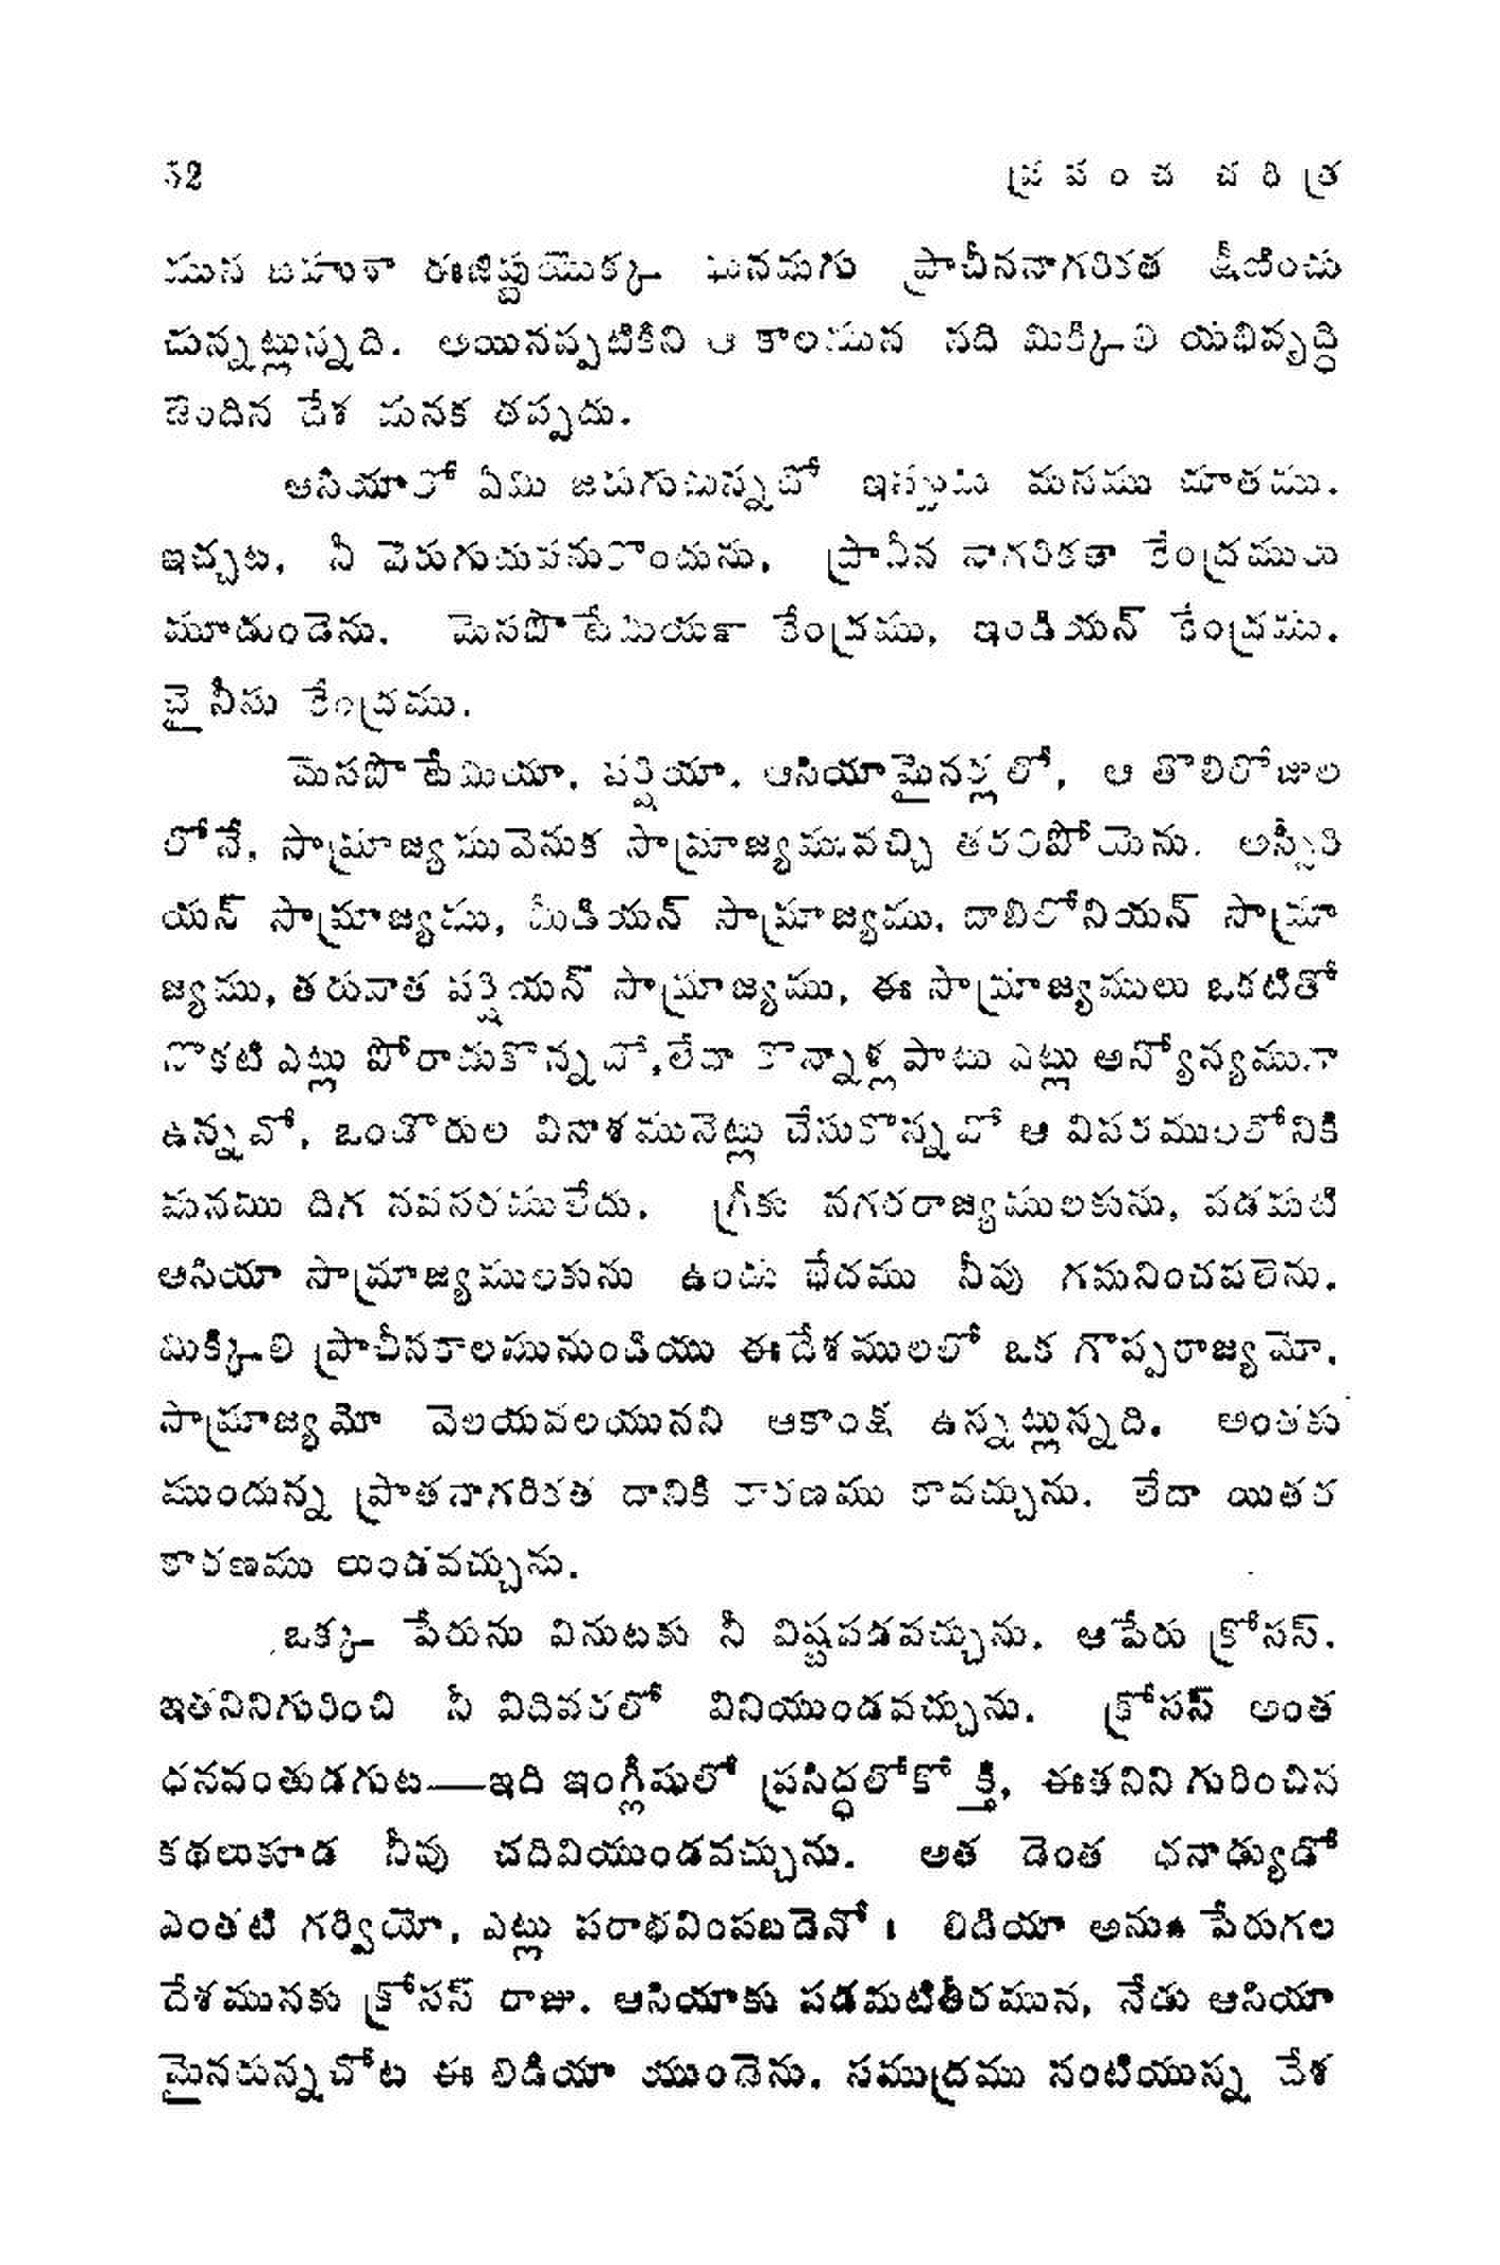మున బహుశా ఈజిప్టుయొక్క ఘనమగు ప్రాచీననాగరికత క్షీణించు చున్నట్లున్నది. అయినప్పటికిని ఆ కాలమున నది మిక్కిలి యభివృద్ధి జెందిన చేశ మనక తప్పదు.

ఆసియాలో ఏమి జరుగుచున్నదో ఇప్పుడు మనము చూతము. ఇచ్చట, నీ వెరుగుదువనుకొందునుగు, ప్రాచీన సాగరికతా కేంద్రములు మూడుండెను, మెసపొటేటయన్ కేంద్రము, ఇండియన్ కేంద్రము. చైనీసు కేంద్రము.

మెసపొటేమియా, పర్షియా, ఆసియామైనర్లలో, ఆ తొలిరోజులలోనే, సామ్రాజ్యమువెనుక సామ్రాజ్యమువచ్చి తరలిపోయెను. అస్సీరియన్ సామ్రాజ్యము, మీడియన్ సామ్రాజ్యము, బాబిలోనియన్ సామ్రాజ్యము, తరువాత పర్షియన్ సామ్రాజ్యము, ఈ సామ్రాజ్యములు ఒకటితో నొకటి ఎట్లు పోరాడుకొన్నవో, లేదా కొన్నాళ్ల పాటు ఎట్లు అన్యోన్యముగా ఉన్నవో, ఒండొరుల వినాశమునెట్లు చేసుకొన్నవో ఆ వివరములలోనికి మనము దిగ నవసరములేదు. గ్రీకు నగరరాజ్యములకును, పడమటి ఆసియా సామ్రాజ్యములకును ఉండు భేదము నీవు గమనించవలెను. మిక్కిలి ప్రాచీనకాలమునుండియు ఈ దేశములలో ఒక గొప్పరాజ్యమో, సామ్రాజ్యమో వెలయవలయునని ఆకాంక్ష ఉన్నట్లున్నది. అంతకు ముందున్న ప్రాతనాగరికత దానికి కారణము కావచ్చును. లేదా యితర కారణము లుండవచ్చును.

ఒక్క పేరును వినుటకు నీ విష్టపడవచ్చును. ఆ పేరు క్రోసస్. ఇతనిని గురించి నీ విదివరలో వినియుండవచ్చును. క్రోసస్ అంత ధనవంతుడగుట — ఇది ఇంగ్లీషులో ప్రసిద్ధలోకోక్తి, ఈతనిని గురించిన కథలుకూడ నీవు చదివియుండవచ్చును. అత డెంత ధనాఢ్యుడో ఎంతటి గర్వియో, ఎట్లు పరాభవింపబడెనో , లిడియా అను పేరుగల దేశమునకు క్రోసస్ రాజు. ఆసియాకు పడమటి తీరమున, నేడు ఆసియా మైనరున్నచోట ఈ లిడియా యుండెను. సముద్రము నంటియున్న దేశ